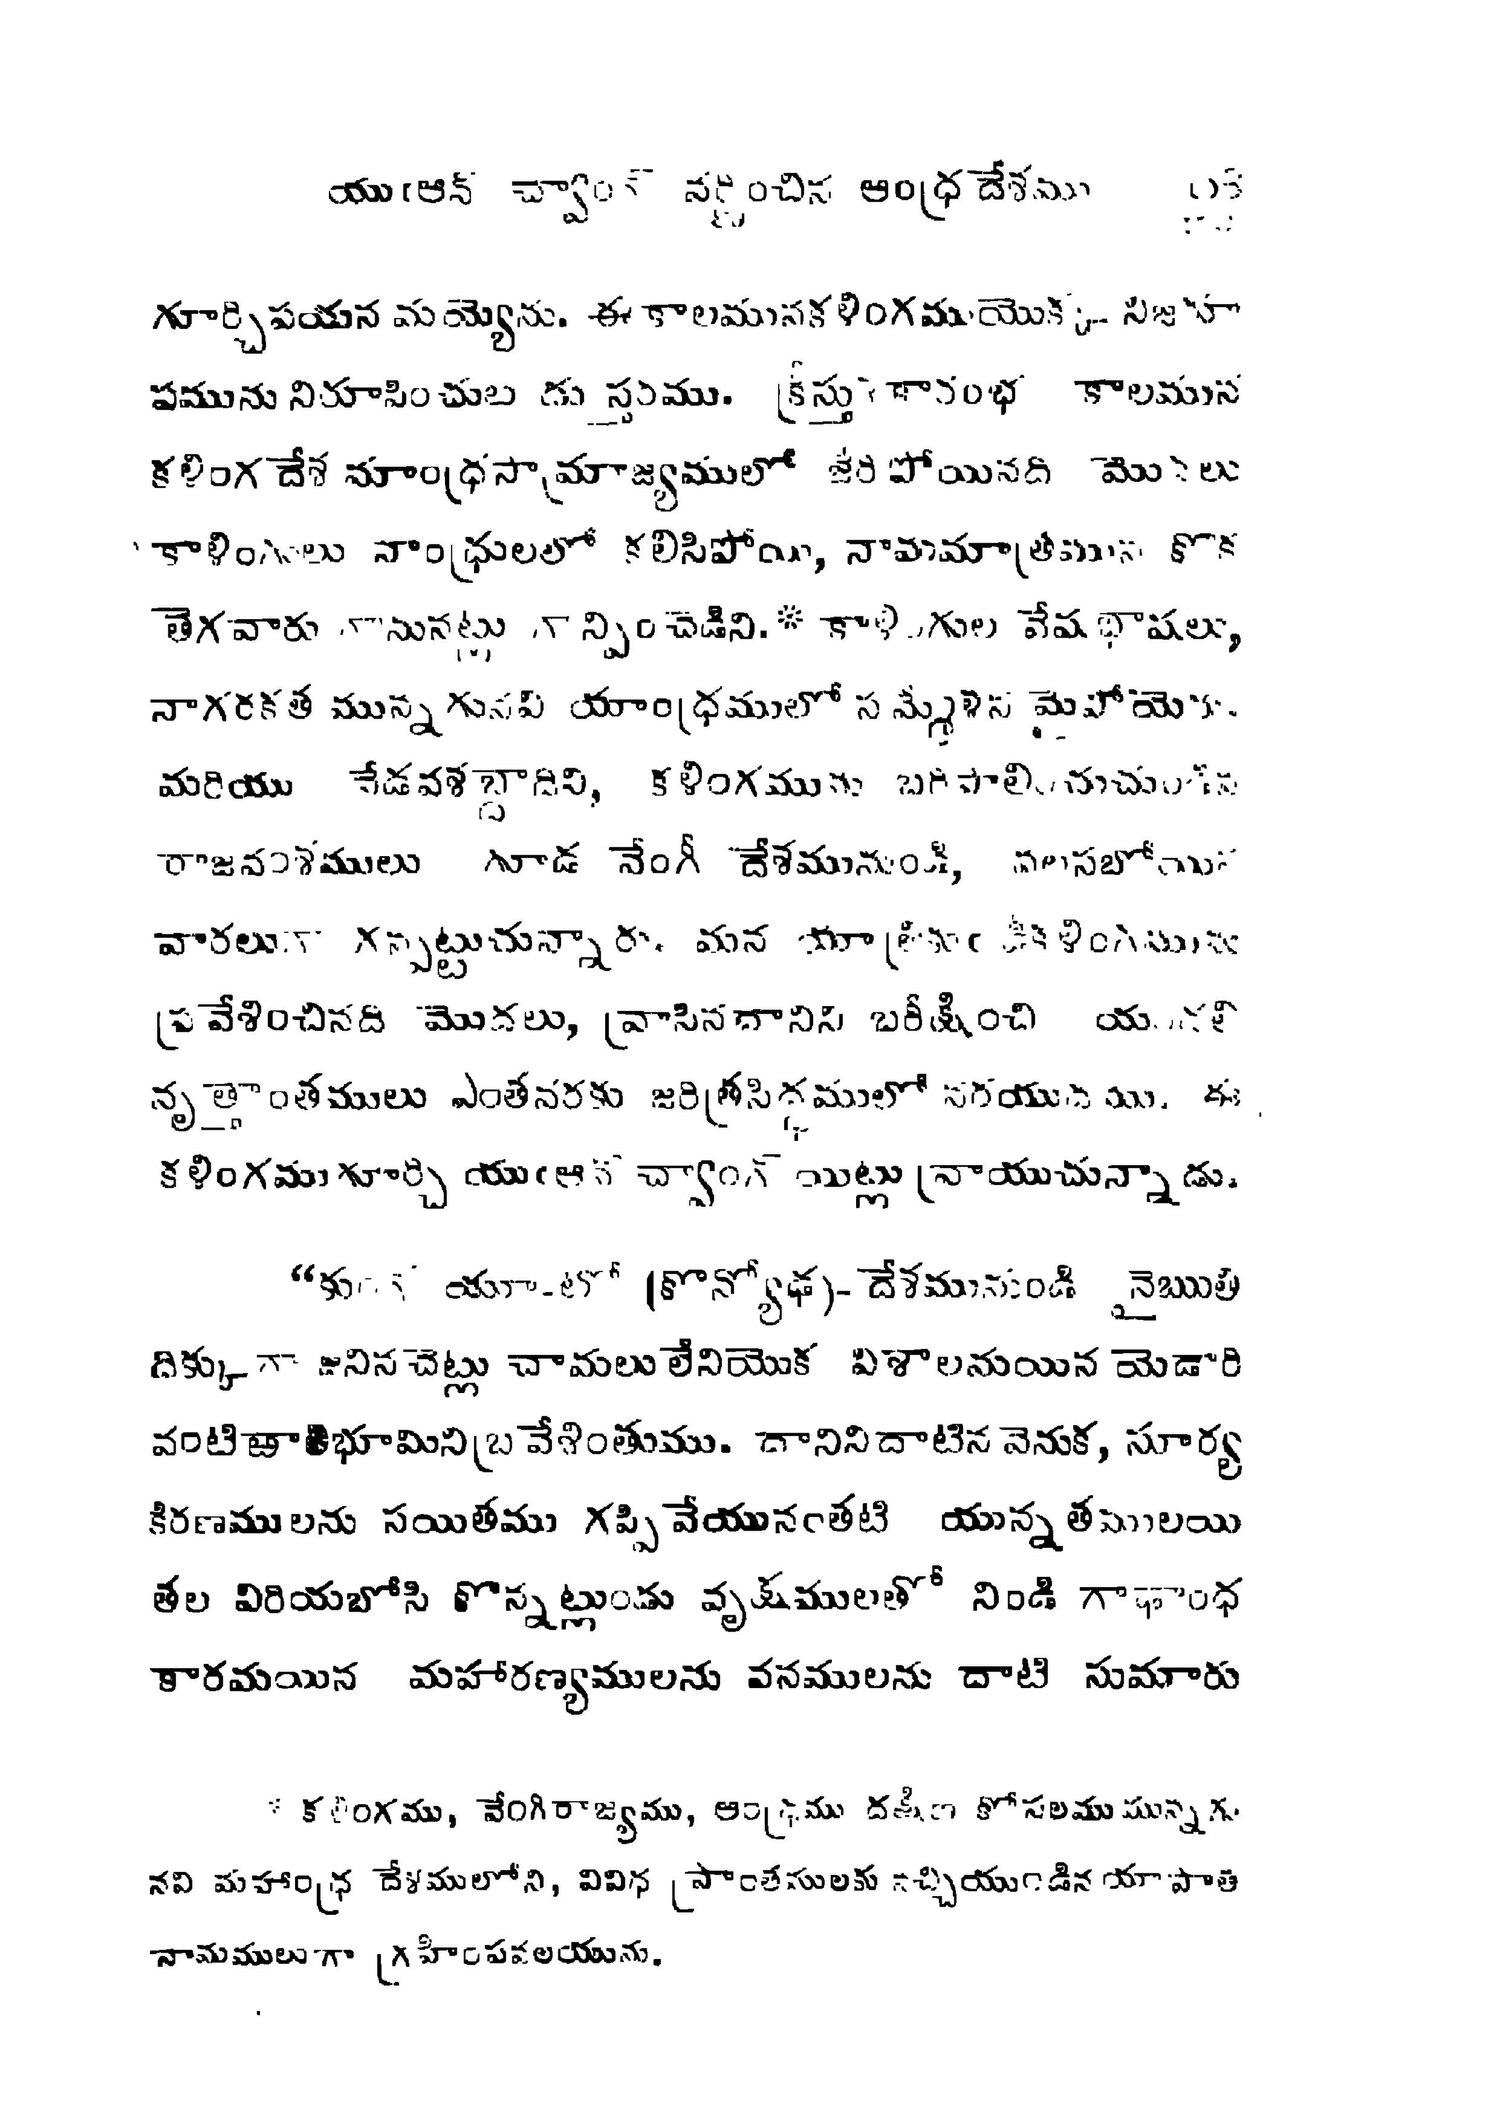గూర్చి పయనమయ్యెను. ఈకాలమున కళింగము యొక్క నిజరూపమును నిరూపించుట దుస్తరము. క్రీస్తుశకారంభ కాలమున కళింగదేశమాంధ్ర సామ్రాజ్యములో జేరిపోయినది మొదలు కాళింగులు నాంధ్రలో కలిసిపోయి, నామమాత్రమున కొక తెగవారు గానునట్లుంపించెడిని. కాళింగుల వేషభాషలు, నాగరికత మున్నగునవి యాంధ్రములో సమ్మేళనమైపోయెను. మరియు నేడవశబ్ధాదిని, కళింగమును బరిపాలించుచుండిన రాజవంశములు గూడ వేంగీ దేశమునుండి, వలసబోయిన వారలుగా గన్పపట్టుచున్నారు. మన యాత్రికుడీకళింగమును ప్రవేశించినది మొదలు, వ్రాసిన దానిని బరీక్షించి యందలి వృత్తాంతములు ఎంతవరకు జరిత్రసిద్ధములో వరయుదము. ఈ కళింగముగూర్చి యుఁఆన్‌ చ్వాంగ్ యిట్లు వ్రాయుచున్నాడు.

"కుంగ్-యూ-టో (కొన్యోఢ) దేశమునుండి నైఋతి దిక్కుగా జనిన చామలులేని యొక విశాలమైన యెడారివంటి భూమిని ప్రవేశింతుము. దానినిదాటిన వెనుక, సూర్యకిరణములను సయితము గప్పివేయునంతటి యున్నతములయి తల విరియబోసి కొన్నట్లుండు వృక్షములతో నిండి గాఢాంధకారమయిన మహారణ్యములను వనములను దాటి సుమారు